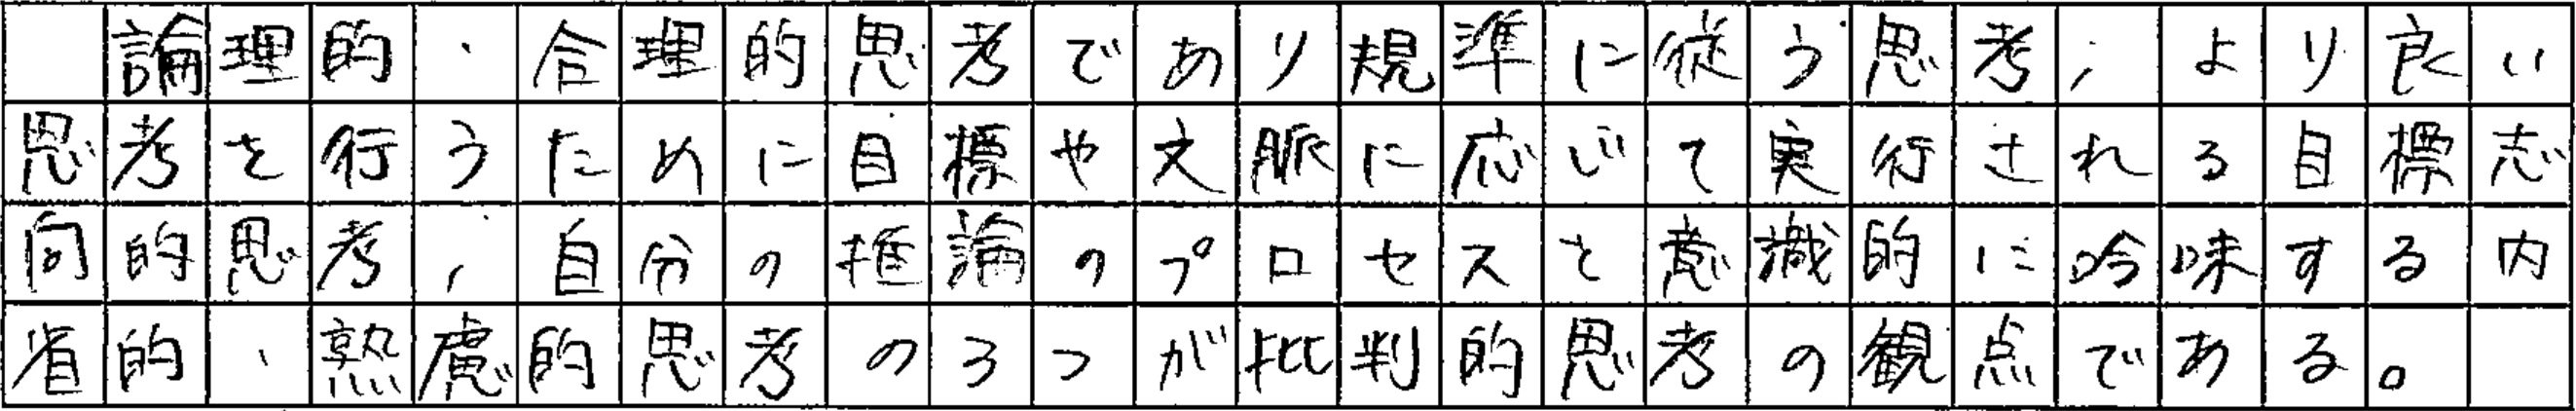　論理的・合理的思考であり規準に従う思考、より良い思考を行うために目標や文脈に応じて実行される目標志向的思考、自分の推論のプロセスを意識的に吟味する内省的・熟慮的思考の３つが批判的思考の観点である。
